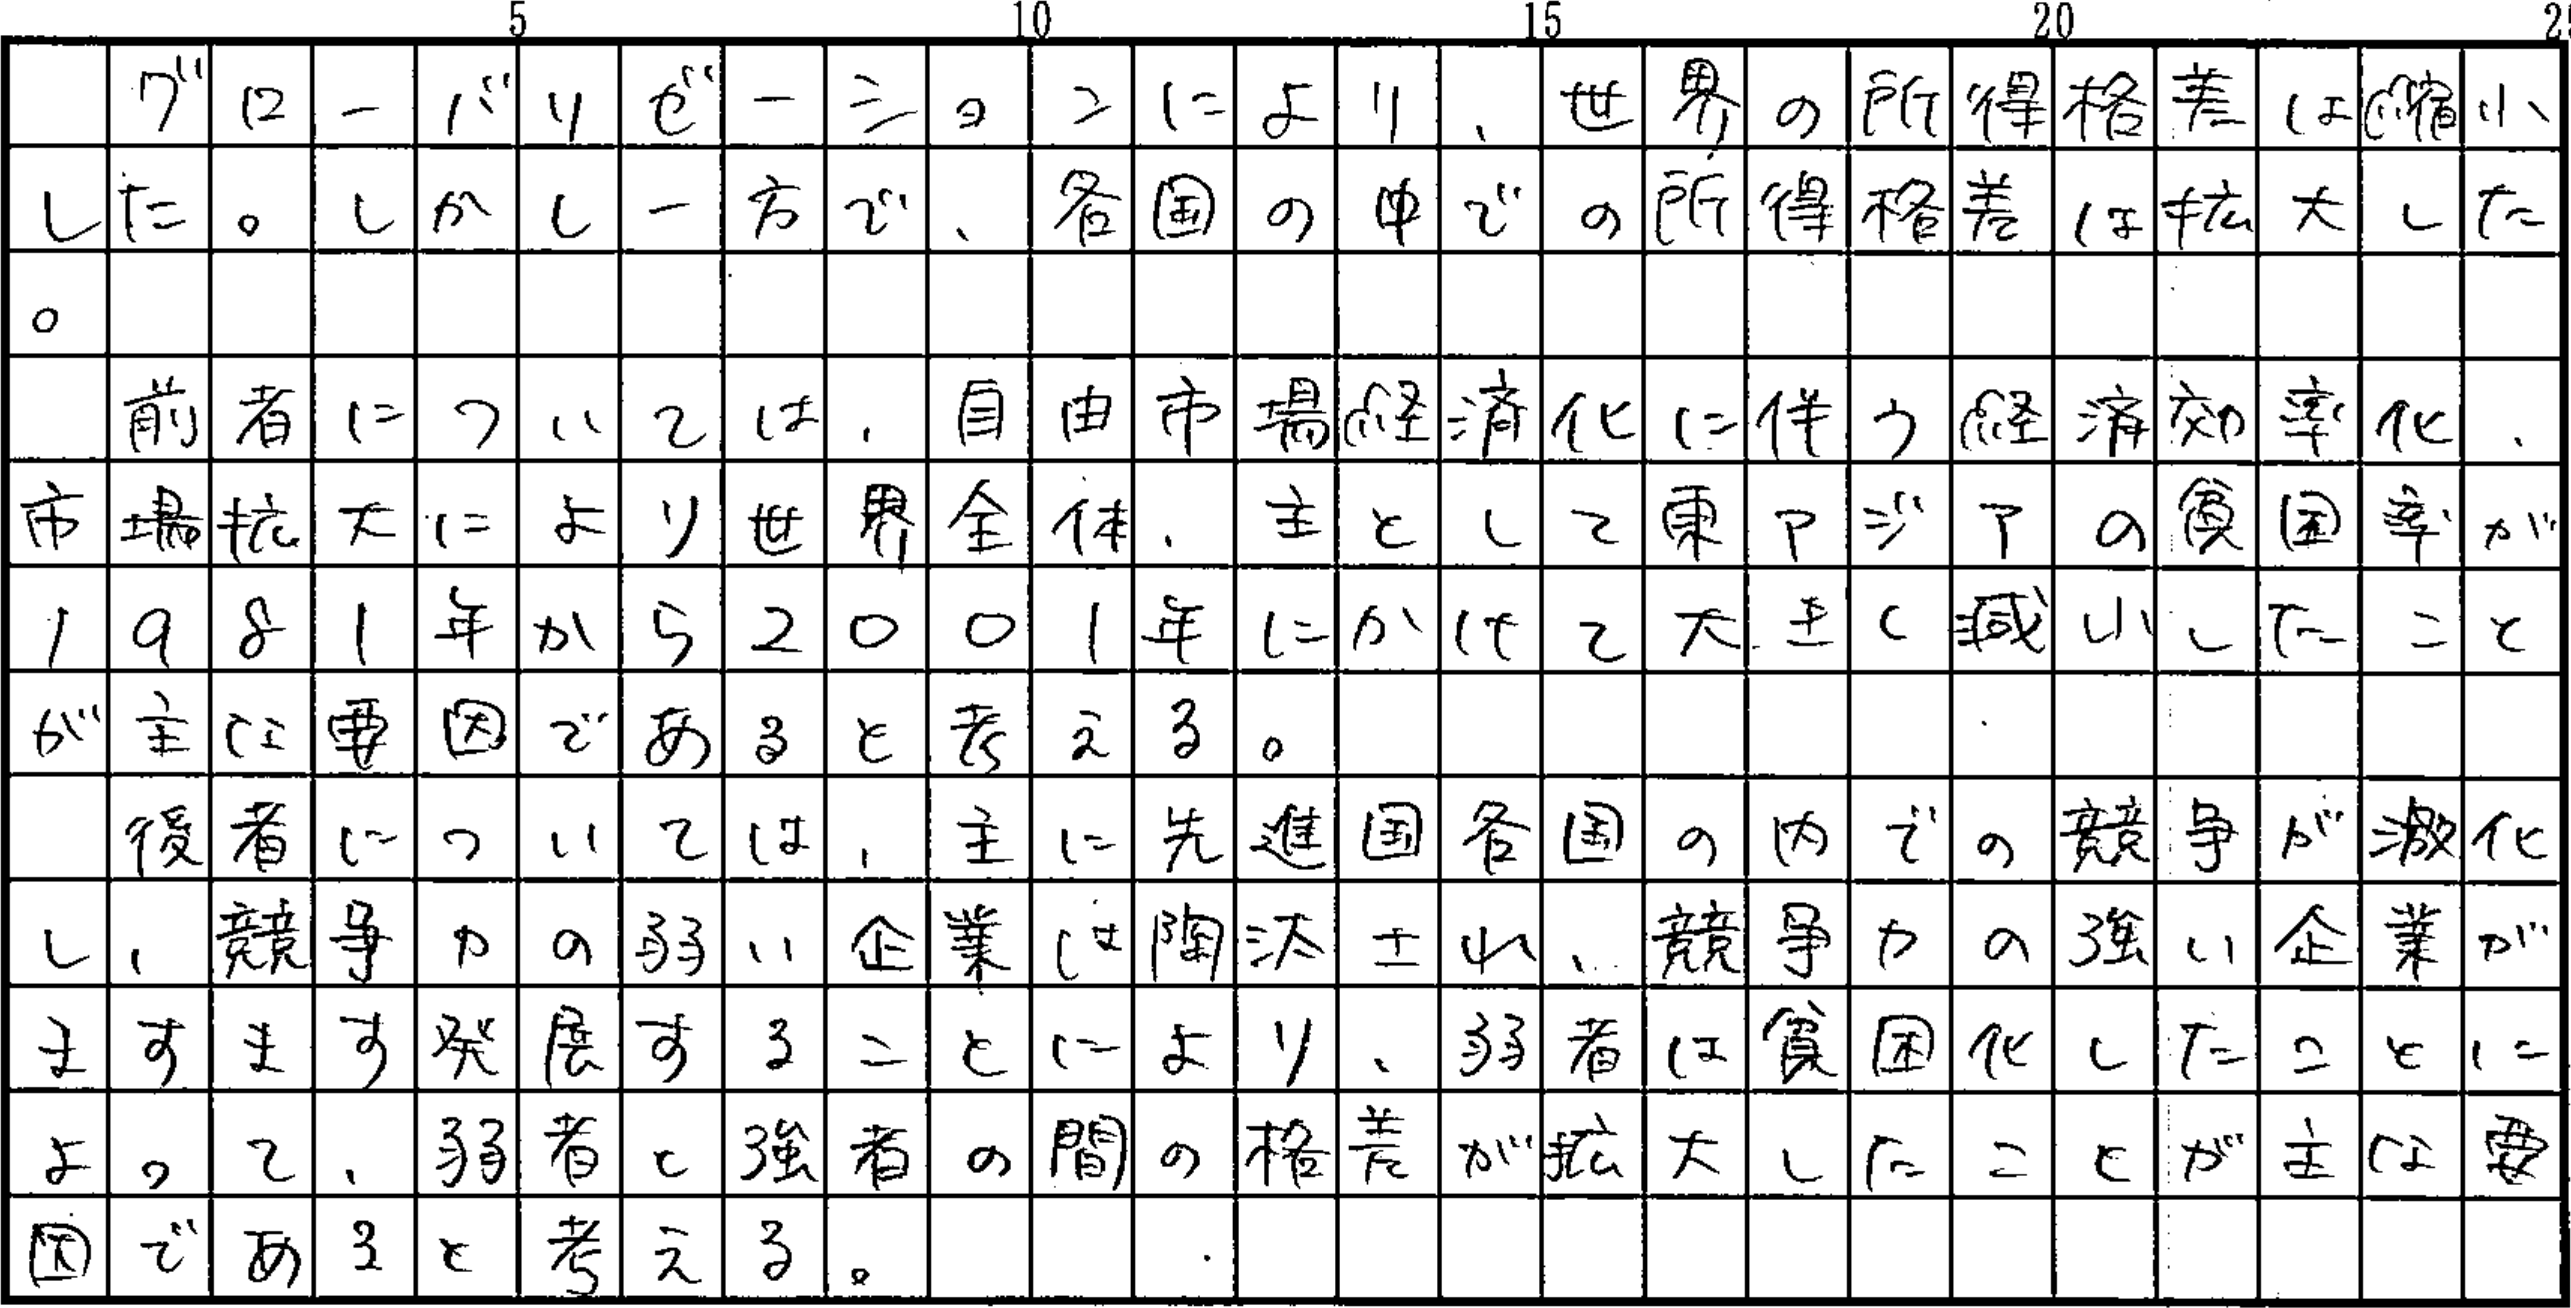　グローバリゼーションにより、世界の所得格差は縮小した。しかし一方で、各国の中での所得格差は拡大した。
　前者については、自由市場経済化に伴う経済効率化、市場拡大により世界全体、主として東アジアの貧困率が１９８１年から２００１年にかけて大きく減小したことが主な要因であると考える。
　後者については、主に先進国各国の内での競争が激化し、競争力の弱い企業は陶汰され、競争力の強い企業がますます発展することにより、弱者は貧困化したことによって、弱者と強者の間の格差が拡大したことが主な要因であると考える。
